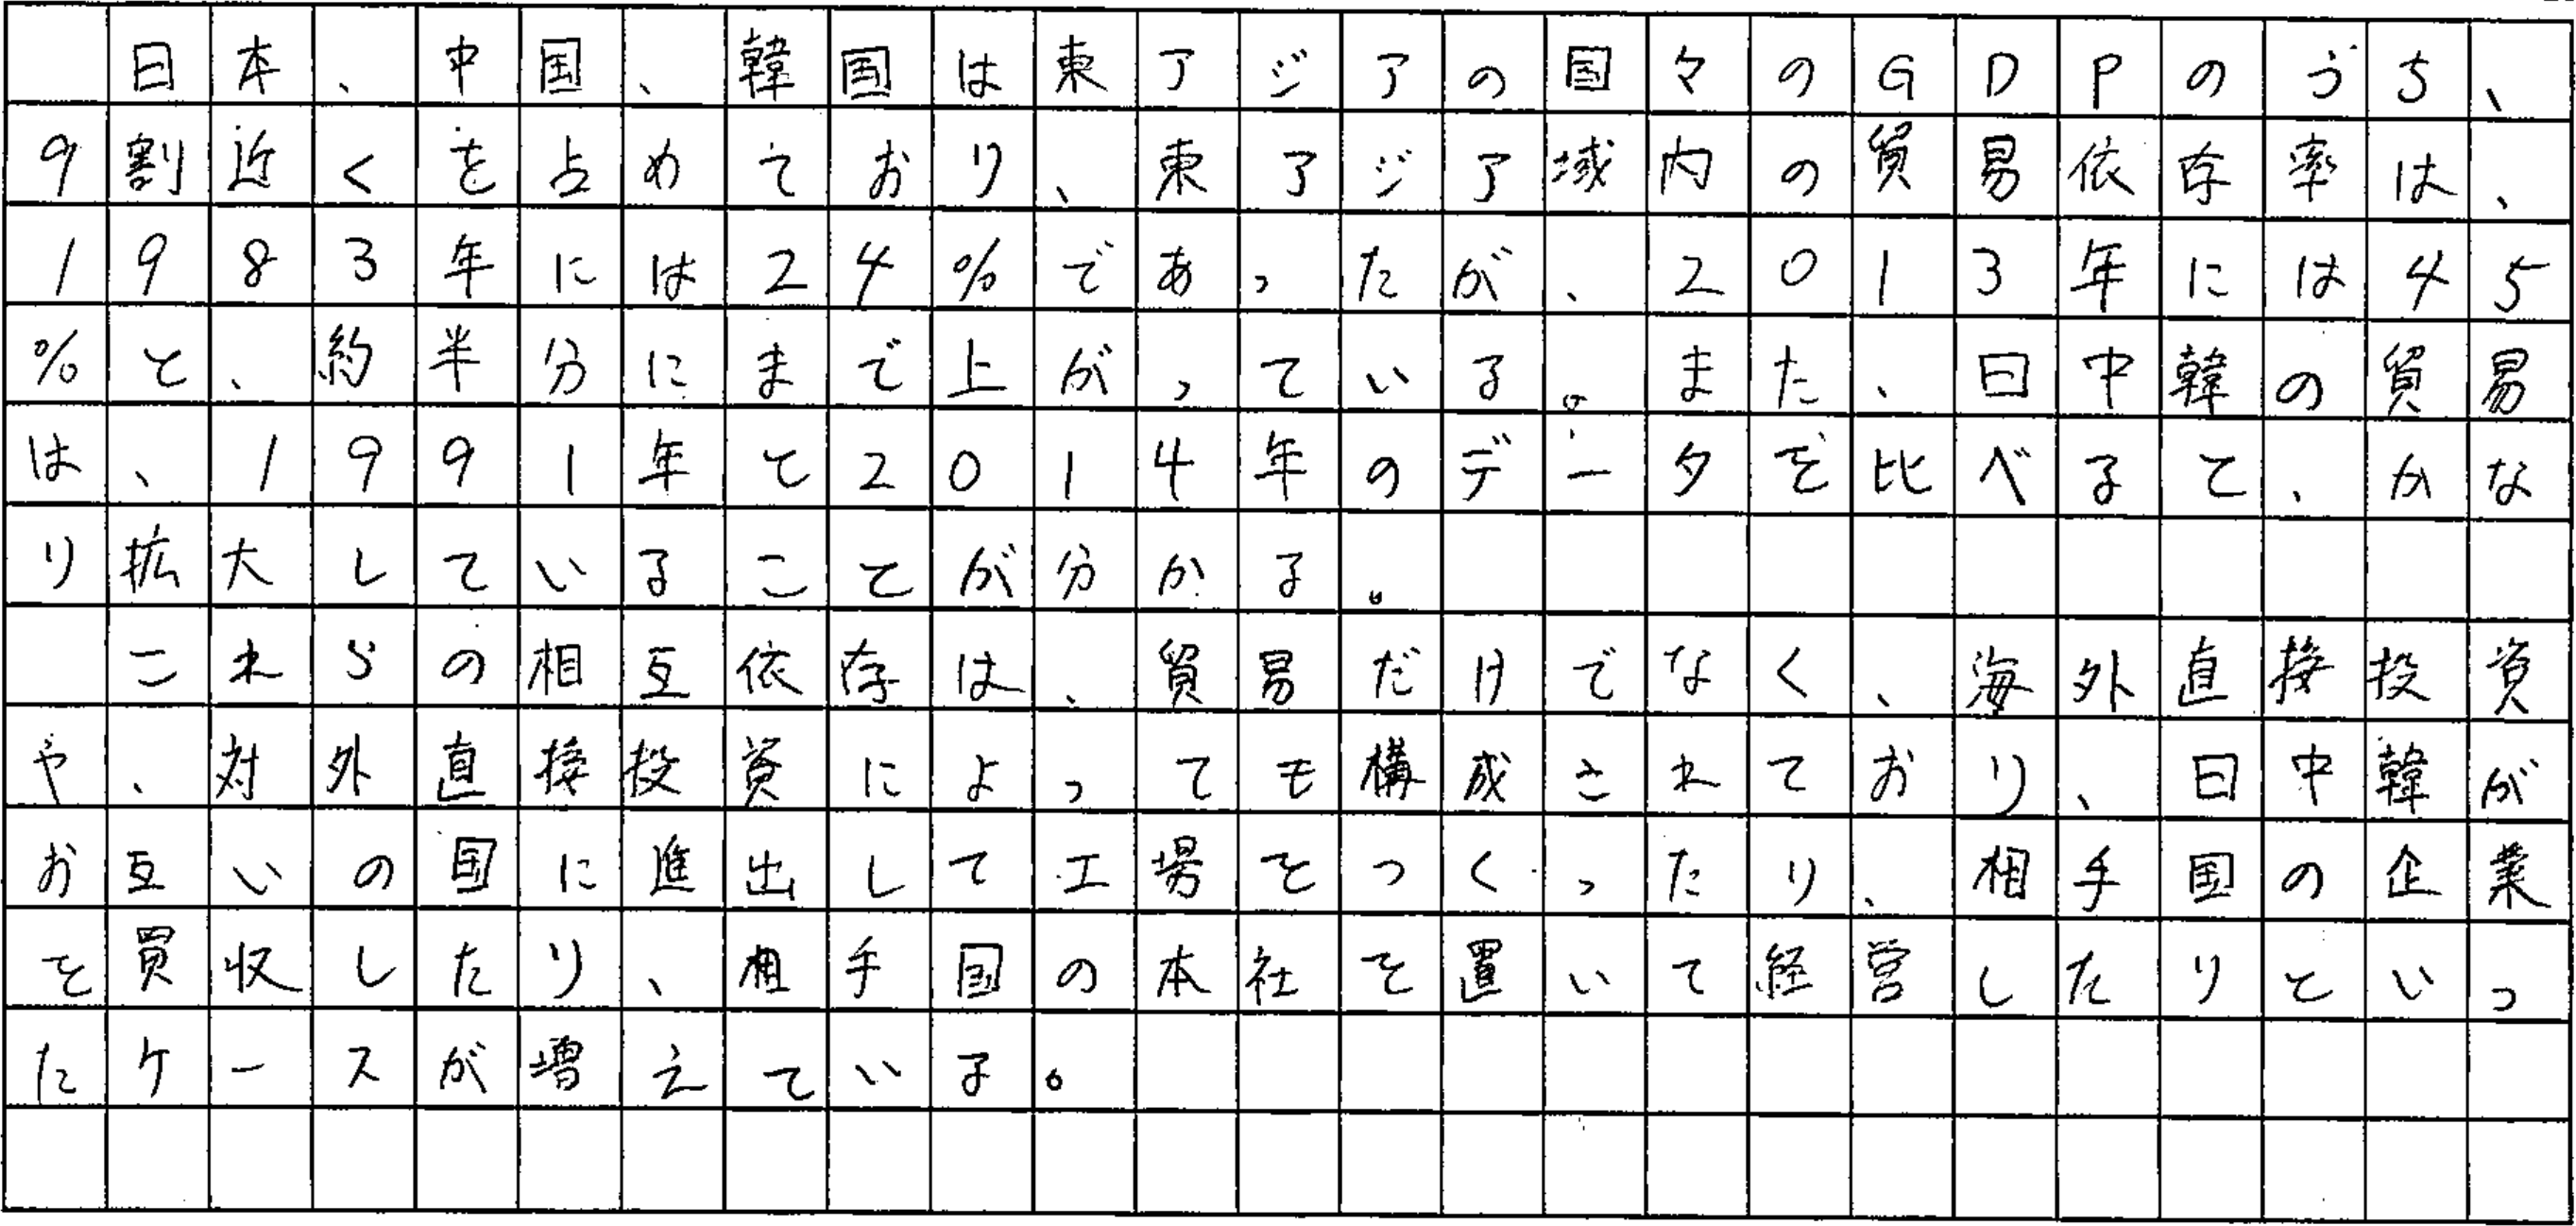　日本、中国、韓国は東アジアの国々のＧＤＰのうち、９割近くを占めており、東アジア域内の貿易依存率は、１９８３年には２４％であったが、２０１３年には４５％と、約半分にまで上がっている。また、日中韓の貿易は、１９９１年と２０１４年のデータを比べると、かなり拡大していることが分かる。
　これらの相互依存は、貿易だけでなく、海外直接投資や、対外直接投資によっても構成されており、日中韓がお互いの国に進出して工場をつくったり、相手国の企業を買収したり、相手国の本社を置いて経営したりといったケースが増えている。
